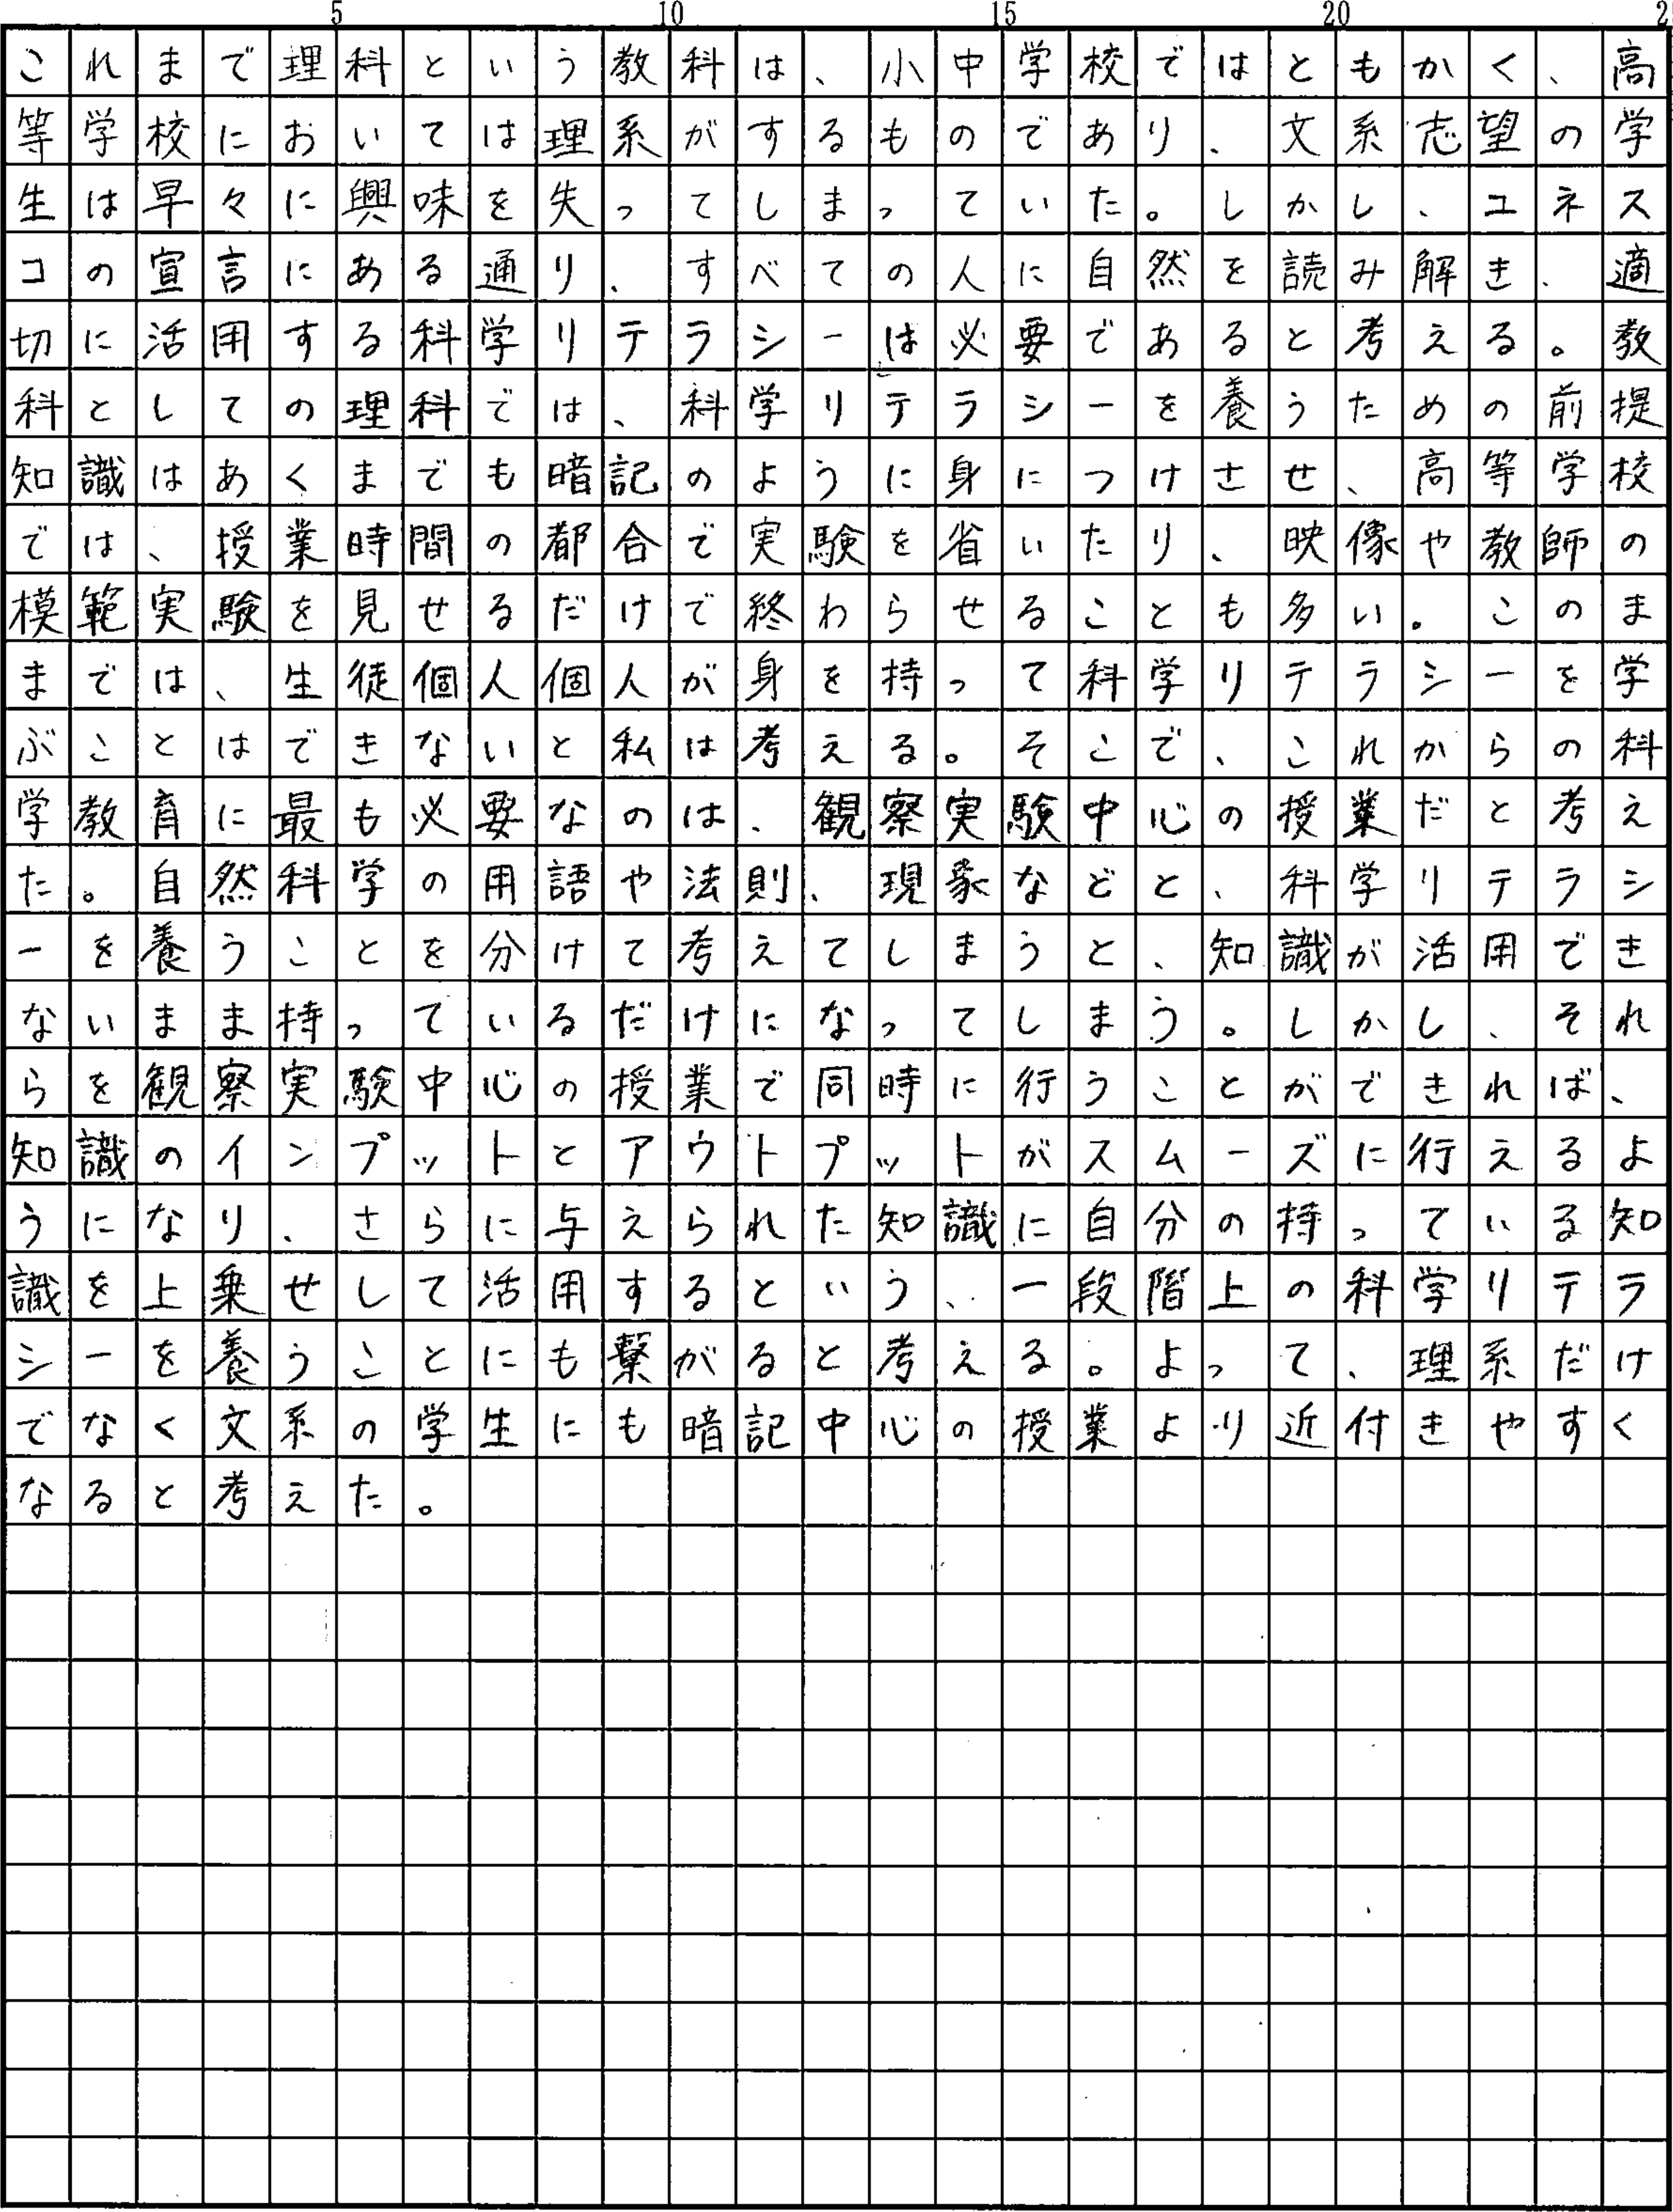これまで理科という教科は、小中学校ではともかく、高等学校においては理系がするものであり、文系志望の学生は早々に興味を失ってしまっていた。しかし、ユネスコの宣言にある通り、すべての人に自然を読み解き、適切に活用する科学リテラシーは必要であると考える。教科としての理科では、科学リテラシーを養うための前提知識はあくまでも暗記のように身につけさせ、高等学校では、授業時間の都合で実験を省いたり、映像や教師の模範実験を見せるだけで終わらせることも多い。このままでは、生徒個人個人が身を持って科学リテラシーを学ぶことはできないと私は考える。そこで、これからの科学教育に最も必要なのは、観測実験中心の授業だと考えた。自然科学の用語や法則、現象などと、科学リテラシーを養うことを分けて考えてしまうと、知識が活用できないまま持っているだけになってしまう。しかし、それらを観察実験中心の授業で同時に行うことができれば、知識のインプットとアウトプットがスムーズに行えるようになり、さらに与えられた知識に自分の持っている知識を上乗せして活用するという、一段階上の科学リテラシーを養うことにも繋がると考える。よって、理系だけでなく文系の学生にも暗記中心の授業より近付きやすくなると考えた。
